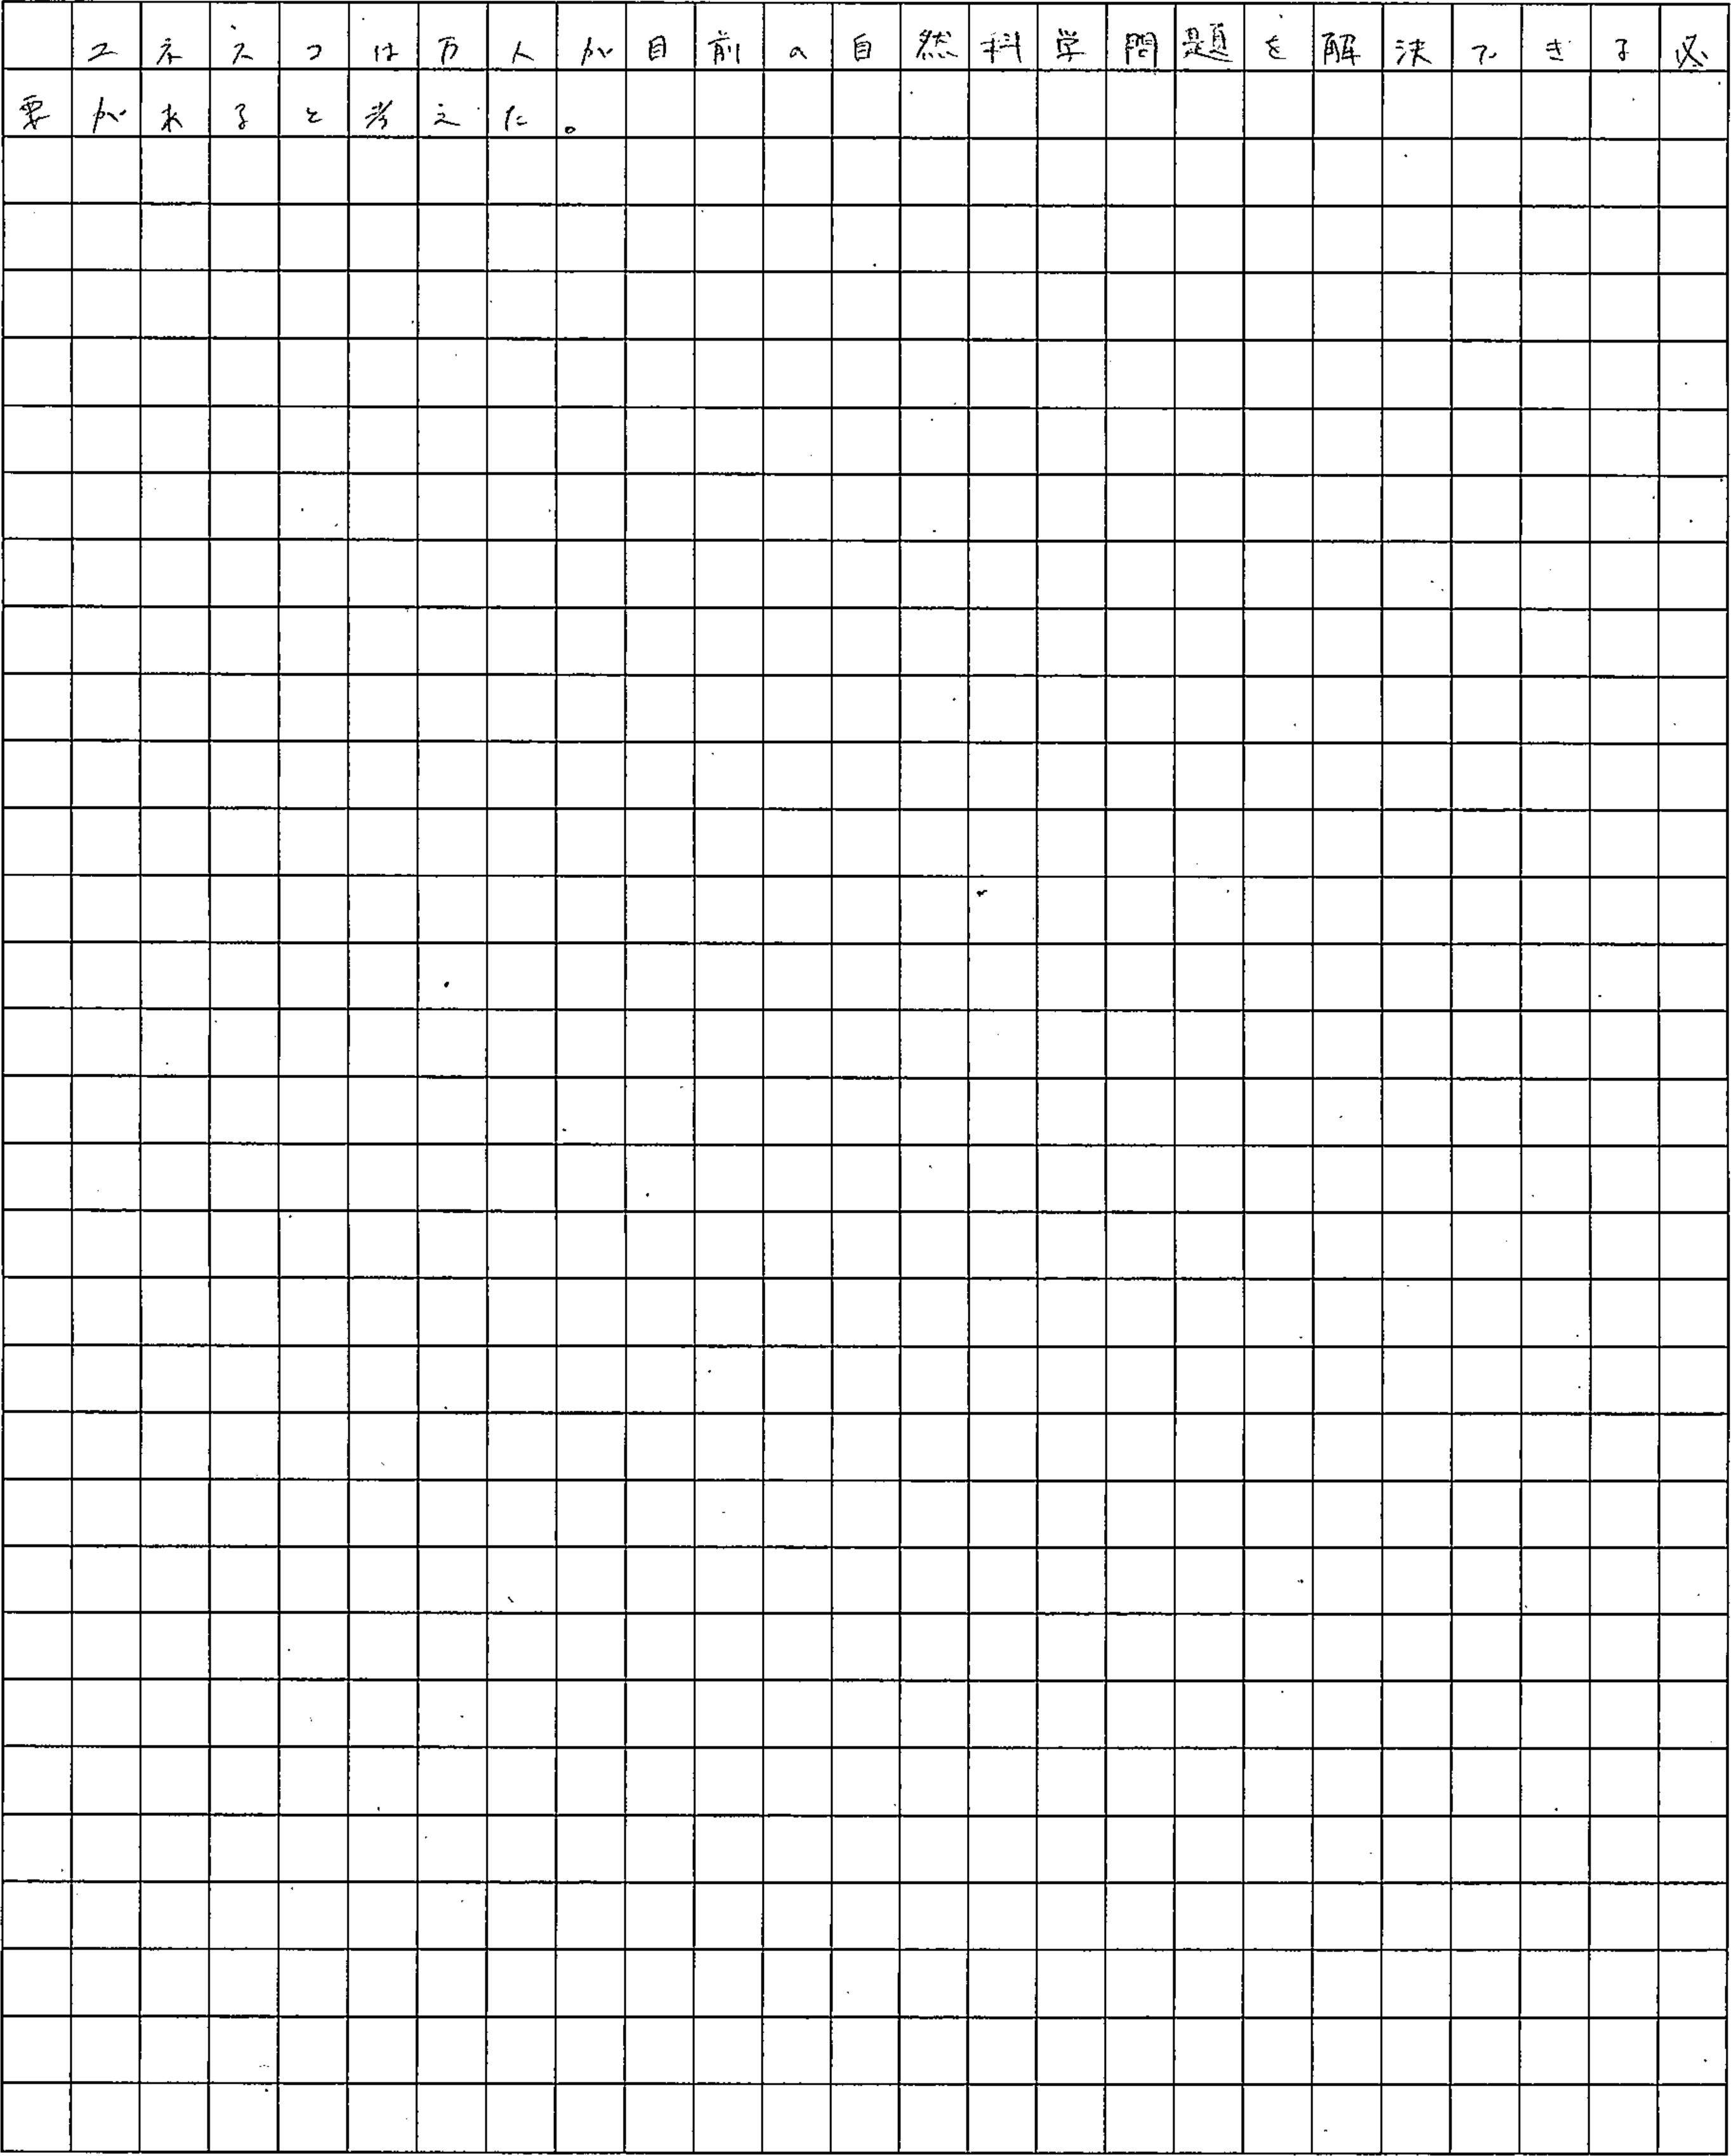　ユネスコは万人が目前の自然科学問題を解決できる必要があると考えた。
